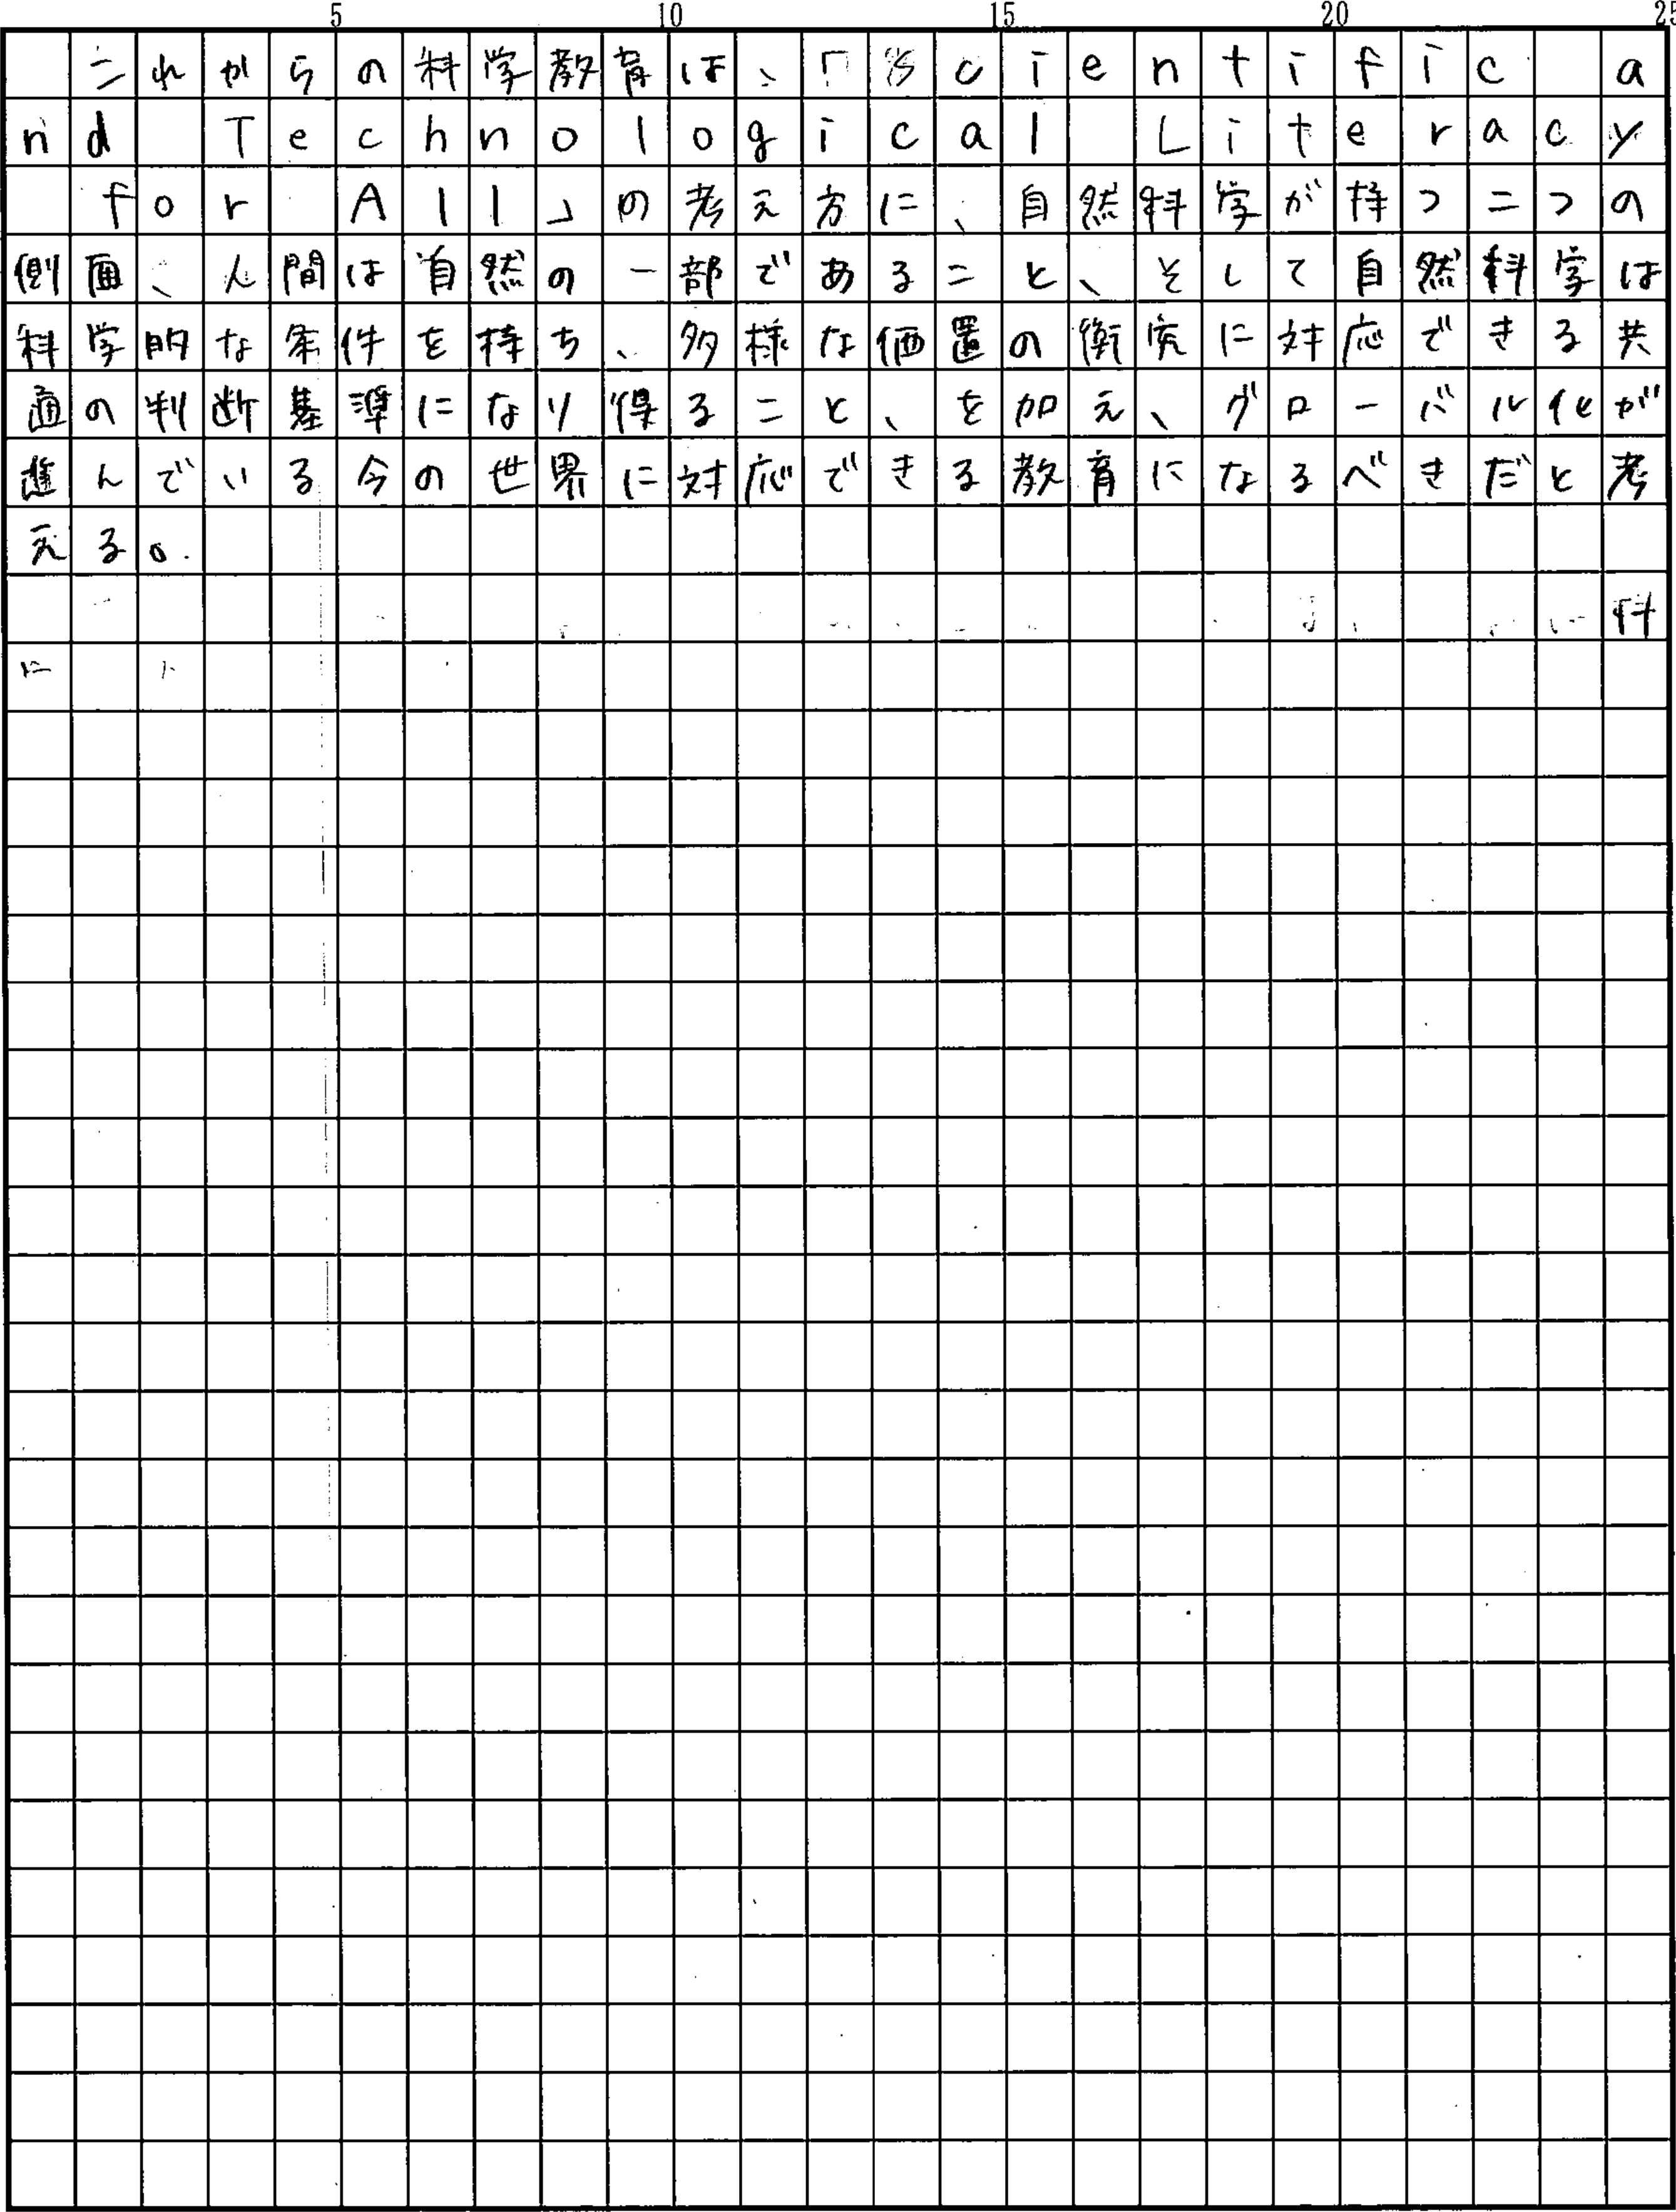　これからの科学教育は「Ｓｃｉｅｎｔｉｆｉｃ　ａｎｄ　Ｔｅｃｈｎｏｌｏｇｉｃａｌ　Ｌｉｔｅｒａｃｙ　ｆｏｒ　Ａｌｌ」の考え方に、自然科学が持つ二つの側面、人間は自然の一部であること、そして自然科学は科学的な条件を持ち、多様な価置の衡▁に対応できる共通の判断基準になり得ること、を加え、グローバル化が進んでいる今の世界に対応できる教育になるべきだと考える。
